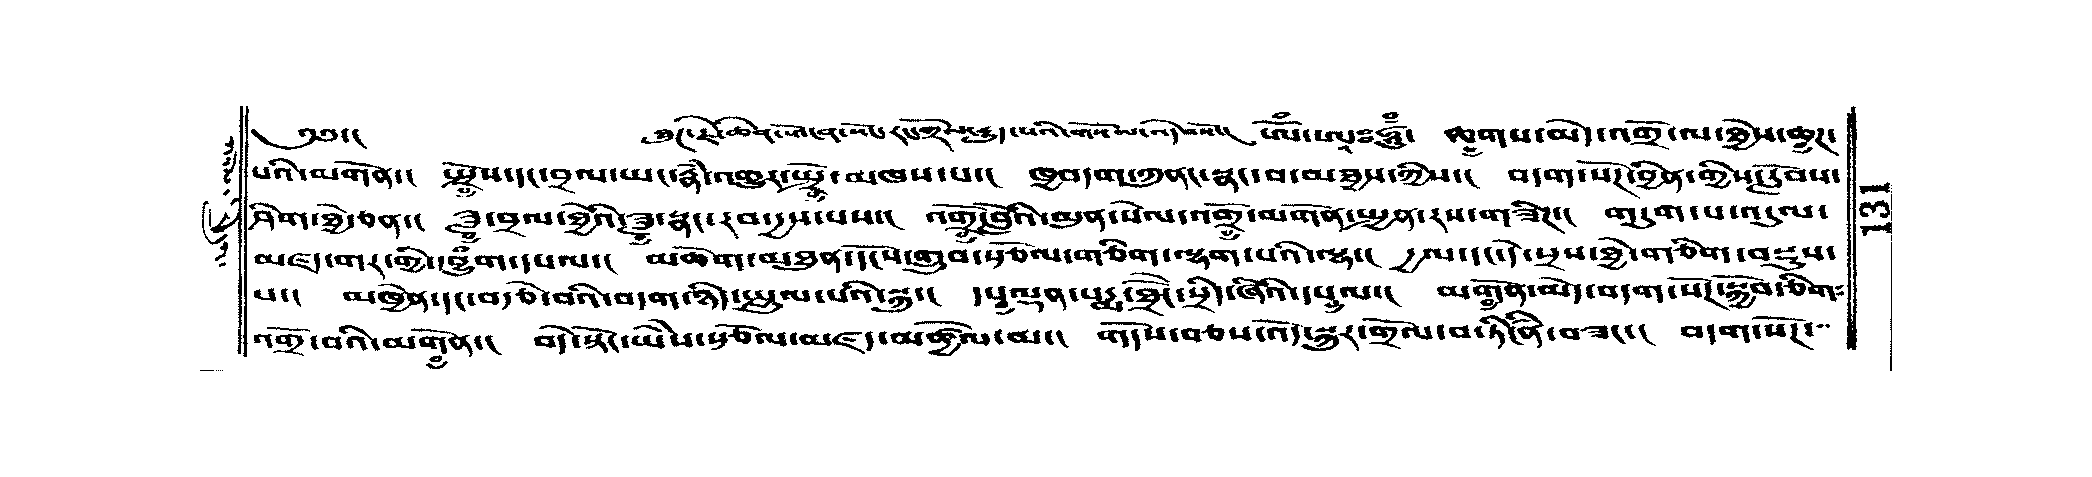ཐུགས་རྗེ་ཆེན་པོ་ངན་སོང་རང་གྲོལ་གྱི་རྒྱུད་པའི་གསོལ་འདེབས་སོ།ཨོཾ་ཨཱཿཧཱུྃ། ཆགས་མེད་འགྲོ་ལ་ཐུགས་རྗེ་ཆགས་
པའི་མགོན། །སྤྲོས་དང་བྲལ་ཡང་རྣམ་འགྱུར་སྤྲོ་མཁས་པ། །ཁྱབ་བདག་ཀུན་བཟང་སྣང་བ་མཐའ་ཡས་ཀྱིས། །བདག་སོགས་བྱིན་གྱིས་རློབས་
ཤིག་ཐུགས་རྗེ་ཅན། །ཟླ་བྲལ་ཐུགས་རྗེའི་ཟླ་སྣང་རབ་རྒྱས་པས། །འགྲོ་བློའི་མུན་སེལ་འགྲོ་མགོན་སྤྱན་རས་གཟིགས། །གདུག་པ་འདུལ་
མཛད་གར་གྱི་དབང་ཕྱུག་དཔལ། །མཆོག་ཐུན་དངོས་གྲུབ་སྩོལ་ཞིག་ལྷག་པའི་ལྷ། །རྒྱལ་དང་དེ་སྲས་ཐུགས་རྗེ་གཅིག་བསྡུས་
པ། །མཁྱེན་དང་བརྩེ་བའི་བདག་ཉིད་སྤྲུལ་པའི་སྐུ། །དཔལ་ལྡན་པདྨ་ཐོད་ཕྲེང་སྲིད་ཞིའི་དཔལ། །མགོན་མེད་བདག་སོགས་སྐྱོབས་ཤིག་
འགྲོ་བའི་མགོན། །བདེ་སྟོང་ཡེ་ཤེས་སྩོལ་མཛད་མཚོ་རྒྱལ་མ། །གདོས་བཅས་འོད་སྐུར་གྲོལ་བ་ཏིང་འཛིན་བཟང་། །བདག་སོགས་